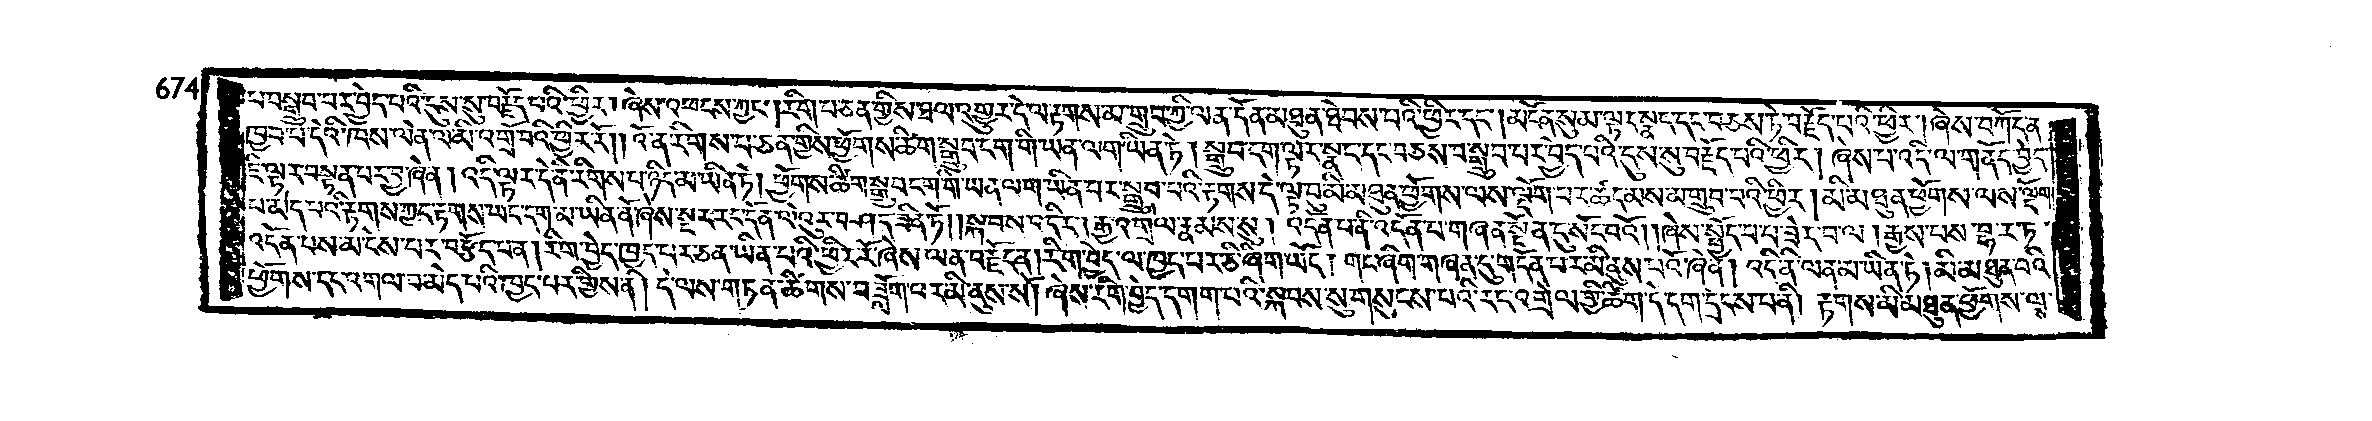པ་བསྒྲུབ་པར་བྱེད་པའི་དུས་སུ་བརྗོད་པའི་ཕྱིར། ཞེས་འཕངས་ཀྱང་། རིག་པ་ཅན་གྱིས་ཐལ་འགྱུར་དེ་ལ་རྟགས་མ་གྲུབ་ཀྱི་ལན་དོན་མཐུན་ཐེབས་པའི་ཕྱིར་དང་། མངོན་སུམ་ལྟར་སྣང་དང་བཅས་ཏེ་བརྗོད་པའི་ཕྱིར། ཞེས་བཀོད་ན་ཁྱབ་པ་དེའི་ཁས་ལེན་ལ་མི་འགྲོ་བའི་ཕྱིར་རོ། །འོ་ན་རིགས་པ་ཅན་གྱིས་ཕྱོགས་ཚིག་སྒྲུབ་ངག་གི་ཡན་ལག་ཡིན་ཏེ། སྒྲུབ་ངག་ལྟར་སྣང་དང་པ་སྒྲུབ་པར་བྱེད་པའི་དུས་སུ་བརྗོད་པའི་ཕྱིར། ཞེས་པ་འདི་ལ་གནོད་བྱེད་
ཇི་ལྟར་བསྟན་པར་བྱ་ཞེ་ན། འདི་ལྟར་དེ་ནི་རིགས་པ་ཉིད་མ་ཡིན་ཏེ། ཕྱོགས་ཚིག་སྒྲུབ་ངག་གི་ཡན་ལག་ཡིན་པར་སྒྲུབ་པའི་རྟགས་དེ་ལྟ་བུ་མི་མཐུན་ཕྱོགས་ལས་ལྡོག་པར་ཚད་མས་མ་གྲུབ་པའི་ཕྱིར། མི་མཐུན་ཕྱོགས་ལས་ལྡོག་
པ་མེད་པའི་རྟགས་ཀྱང་རྟགས་ཡང་དག་མ་ཡིན་ནོ་ཞེས་སྔར་རང་དོན་ལེའུར་བཤད་ཟིན་ཏོ། །སྐབས་འདིར། རྒྱ་འགྲེལ་རྣམས་སུ། འདོན་པ་ནི་འདོན་པ་གཞན་སྔོན་དུ་སོང་བའོ། །ཞེས་སྤྱོད་པ་བ་ཟེར་བ་ལ། རྒྱས་པས་བྷ་ར་ཏ་
འདོན་པས་མ་ངེས་པར་བརྩོད་པ་ན། རིག་བྱེད་ཁྱད་པར་ཅན་ཡིན་པའི་ཕྱིར་རོ་ཞེས་ལན་བརྗོད་ན། རིག་བྱེད་ལ་ཁྱད་པར་ཅི་ཞིག་ཡོད། གང་ཞིག་གཞན་དུ་གནོད་པར་མི་ནུས་པའོ་ཞེ་ན། འདི་ནི་ལན་མ་ཡིན་ཏེ། མི་མཐུན་པའི་
ཕྱོགས་དང་འགལ་བ་མེད་པའི་ཁྱད་པར་གྱིས་ནི། དེ་ལས་གཏན་ཚིགས་བཟློག་པར་མི་ནུས་སོ། ཞེས་རིག་བྱེད་དགག་པའི་སྐབས་སུ་གསུངས་པའི་རང་འགྲེལ་གྱི་ཚིག་དེ་དག་དྲངས་པ་ནི། རྟགས་མི་མཐུན་ཕྱོགས་ལས་